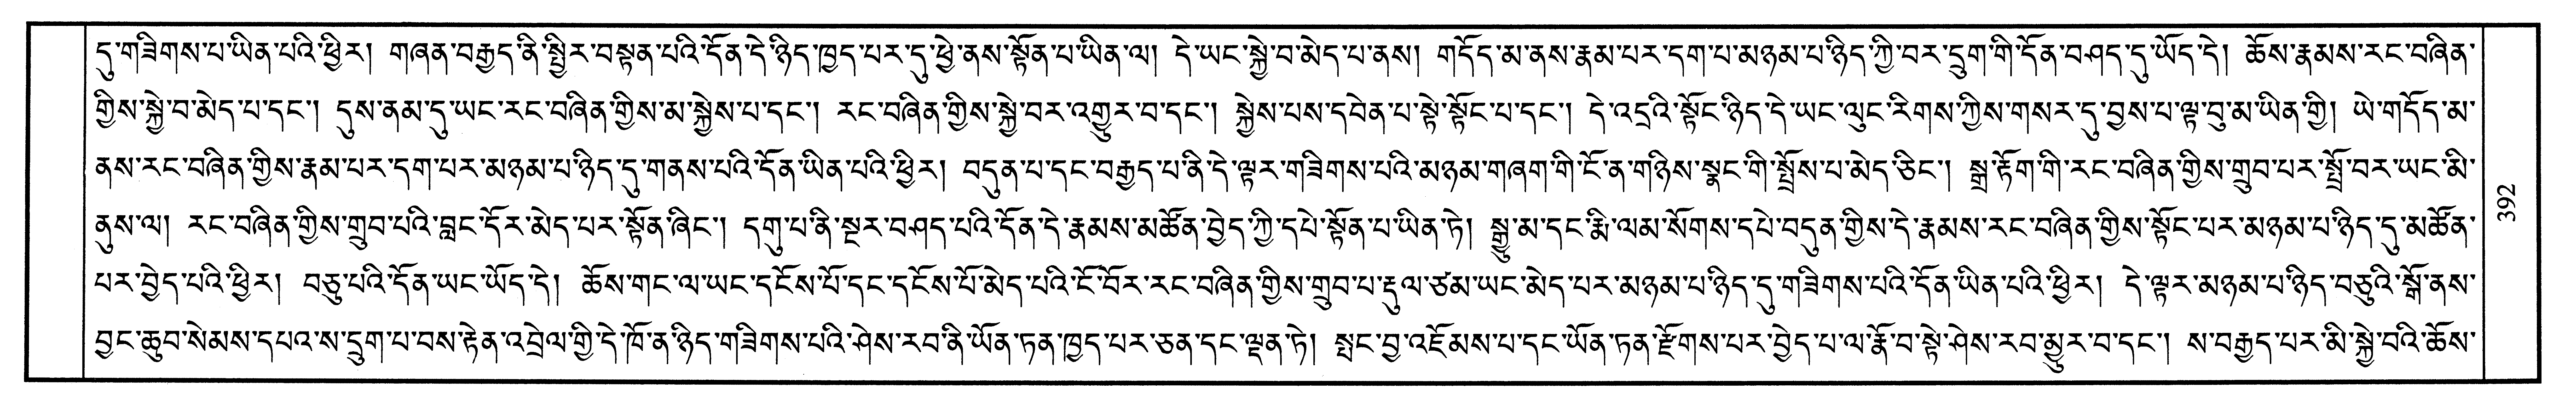དུ་གཟིགས་པ་ཡིན་པའི་ཕྱིར། གཞན་བརྒྱད་ནི་སྤྱིར་བསྟན་པའི་དོན་དེ་ཉིད་ཁྱད་པར་དུ་ཕྱེ་ནས་སྟོན་པ་ཡིན་ལ། དེ་ཡང་སྐྱེ་བ་མེད་པ་ནས། གདོད་མ་ནས་རྣམ་པར་དག་པ་མཉམ་པ་ཉིད་ཀྱི་བར་དྲུག་གི་དོན་བཤད་དུ་ཡོད་དེ། ཆོས་རྣམས་རང་བཞིན་
གྱིས་སྐྱེ་བ་མེད་པ་དང་། དུས་ནམ་དུ་ཡང་རང་བཞིན་གྱིས་མ་སྐྱེས་པ་དང་། རང་བཞིན་གྱིས་སྐྱེ་བར་འགྱུར་བ་དང་། སྐྱེས་པས་དབེན་པ་སྟེ་སྟོང་པ་དང་། དེ་འདྲའི་སྟོང་ཉིད་དེ་ཡང་ལུང་རིགས་ཀྱིས་གསར་དུ་བྱས་པ་ལྟ་བུ་མ་ཡིན་གྱི། ཡེ་གདོད་མ་
ནས་རང་བཞིན་གྱིས་རྣམ་པར་དག་པར་མཉམ་པ་ཉིད་དུ་གནས་པའི་དོན་ཡིན་པའི་ཕྱིར། བདུན་པ་དང་བརྒྱད་པ་ནི་དེ་ལྟར་གཟིགས་པའི་མཉམ་གཞག་གི་ངོ་ན་གཉིས་སྣང་གི་སྤྲོས་པ་མེད་ཅིང་། སྒྲ་རྟོག་གི་རང་བཞིན་གྱིས་གྲུབ་པར་སྤྲོ་བར་ཡང་མི་
ནུས་ལ། རང་བཞིན་གྱིས་གྲུབ་པའི་བླང་དོར་མེད་པར་སྟོན་ཞིང་། དགུ་པ་ནི་སྔར་བཤད་པའི་དོན་དེ་རྣམས་མཚོན་བྱེད་ཀྱི་དཔེ་སྟོན་པ་ཡིན་ཏེ། སྒྱུ་མ་དང་རྨི་ལམ་སོགས་དཔེ་བདུན་གྱིས་དེ་རྣམས་རང་བཞིན་གྱིས་སྟོང་པར་མཉམ་པ་ཉིད་དུ་མཚོན་
པར་བྱེད་པའི་ཕྱིར། བཅུ་པའི་དོན་ཡང་ཡོད་དེ། ཆོས་གང་ལ་ཡང་དངོས་པོ་དང་དངོས་པོ་མེད་པའི་ངོ་བོར་རང་བཞིན་གྱིས་གྲུབ་པ་རྡུལ་ཙམ་ཡང་མེད་པར་མཉམ་པ་ཉིད་དུ་གཟིགས་པའི་དོན་ཡིན་པའི་ཕྱིར། དེ་ལྟར་མཉམ་པ་ཉིད་བཅུའི་སྒོ་ནས་
བྱང་ཆུབ་སེམས་དཔའ་ས་དྲུག་པ་བས་རྟེན་འབྲེལ་གྱི་དེ་ཁོ་ན་ཉིད་གཟིགས་པའི་ཤེས་རབ་ནི་ཡོན་ཏན་ཁྱད་པར་ཅན་དང་ལྡན་ཏེ། སྤང་བྱ་འཇོམས་པ་དང་ཡོན་ཏན་རྫོགས་པར་བྱེད་པ་ལ་རྣོ་བ་སྟེ་ཤེས་རབ་མྱུར་བ་དང་། ས་བརྒྱད་པར་མི་སྐྱེ་བའི་ཆོས་